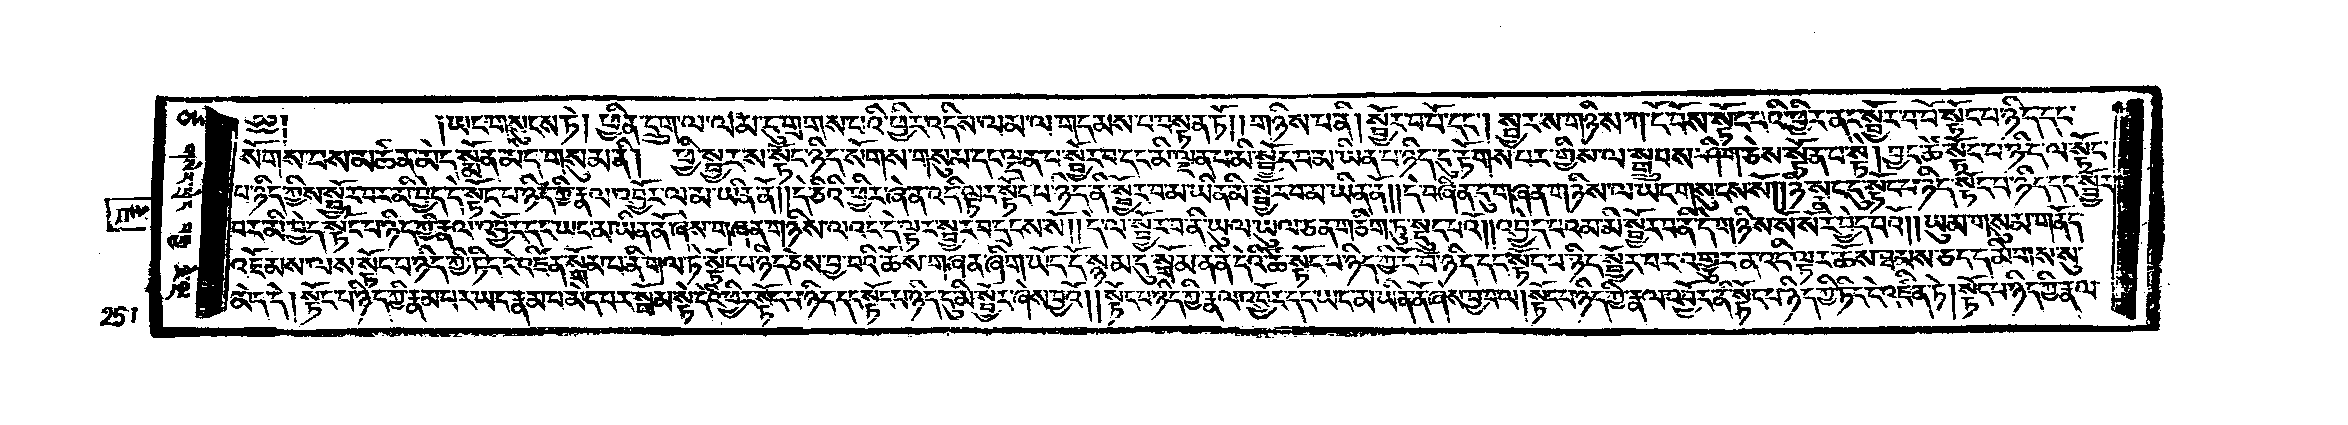༄༅། །ཡང་གསུངས་ཏེ། ཕྱིན་དྲུག་ལ་ལམ་དུ་གྲགས་པའི་ཕྱིར་འདིས་ལམ་ལ་གདམས་པ་བསྟན་ཏོ། །གཉིས་པ་ནི། སྦྱོར་བ་པོ་དང་། སྦྱར་ས་གཉིས་ཀ་ངོ་བོས་སྟོང་པའི་ཕྱིར་ནང་སྦྱོར་བ་པོ་སྟོང་པ་ཉིད་དང་
སོགས་པས་མཚན་མེད་སྨོན་མེད་གསུམ་ནི། ཕྱི་སྦྱར་ས་སྟོང་ཉིད་སོགས་གསུམ་དང་ལྡན་པ་སྦྱོར་བ་དང་མི་ལྡན་པ་མི་སྦྱོར་བ་མ་ཡིན་པ་ཉིད་དུ་རྟོགས་པར་གྱིས་ལ་སྒྲུབས་ཤིག་ཅེས་སྟོན་པ་སྟེ། བྱང་ཚེ་སྟོང་པ་ཉིད་ལ་སྟོང་
པ་ཉིད་ཀྱིས་སྦྱོར་བར་མི་བྱེད་དེ་སྟོང་པ་ཉིད་ཀྱི་རྣལ་འབྱོར་ལ་མ་ཡིན་ནོ། །དེ་ཅིའི་ཕྱིར་ཞེ་ན་འདི་ལྟར་སྟོང་པ་ཉིད་ནི་སྦྱོར་བ་མ་ཡིན་མི་སྦྱོར་བ་མ་ཡིན་ནོ། །དེ་བཞིན་དུ་གཞན་གཉིས་ལ་ཡང་གསུངས་སོ། །ཉི་སྣང་དུ་སྟོང་པ་ཉིད་སྟོང་པ་ཉིད་དང་སྦྱོར་
བར་མི་བྱེད་སྟོང་པ་ཉིད་ཀྱི་རྣལ་འབྱོར་དང་ཡང་མ་ཡིན་ནོ་ཞེས་གཞན་གཉིས་ལའང་དེ་ལྟར་སྦྱར་བ་དྲངས་སོ། །དེ་ལ་སྦྱོར་བ་ནི་ཡུལ་ཡུལ་ཅན་གཅིག་ཏུ་སྡུད་པའོ། །འབྱེད་པའམ་མི་སྦྱོར་བ་ནི་དེ་གཉིས་སོ་སོར་བྱེད་པའོ། །ཡུམ་གསུམ་གནོད་
འཇོམས་ལས་སྟོང་པ་ཉིད་ཀྱི་ཏིང་ངེ་འཛིན་སྒོམ་པ་ནི་གལ་ཏེ་སྟོང་པ་ཉིད་ཅེས་བྱ་བའི་ཆོས་གཞན་ཞིག་ཡོད་དོ་སྙམ་དུ་སྒོམ་ན་ནི་དེའི་ཚེ་སྟོང་པ་ཉིད་ཀྱི་ངོ་བོ་ཉིད་དང་སྟོང་པ་ཉིད་སྦྱོར་བར་འགྱུར་ན་འདི་ལྟར་ཆོས་ཐམས་ཅད་དམིགས་སུ་
མེད་དེ། སྟོང་པ་ཉིད་ཀྱི་རྣམ་པར་ཡང་རྣམ་པ་མེད་པར་སྒོམ་སྟེ་དེའི་ཕྱིར་སྟོང་པ་ཉིད་དང་སྟོང་པ་ཉིད་དུ་མི་སྦྱོར་ཞེས་བྱའོ། །སྟོང་པ་ཉིད་ཀྱི་རྣལ་འབྱོར་དང་ཡང་མ་ཡིན་ནོ་ཞེས་བྱ་བ་ལ། སྟོང་པ་ཉིད་ཀྱི་རྣལ་འབྱོར་ནི་སྟོང་པ་ཉིད་ཀྱི་ཏིང་ངེ་འཛིན་ཏེ། སྟོང་པ་ཉིད་ཀྱི་རྣལ་